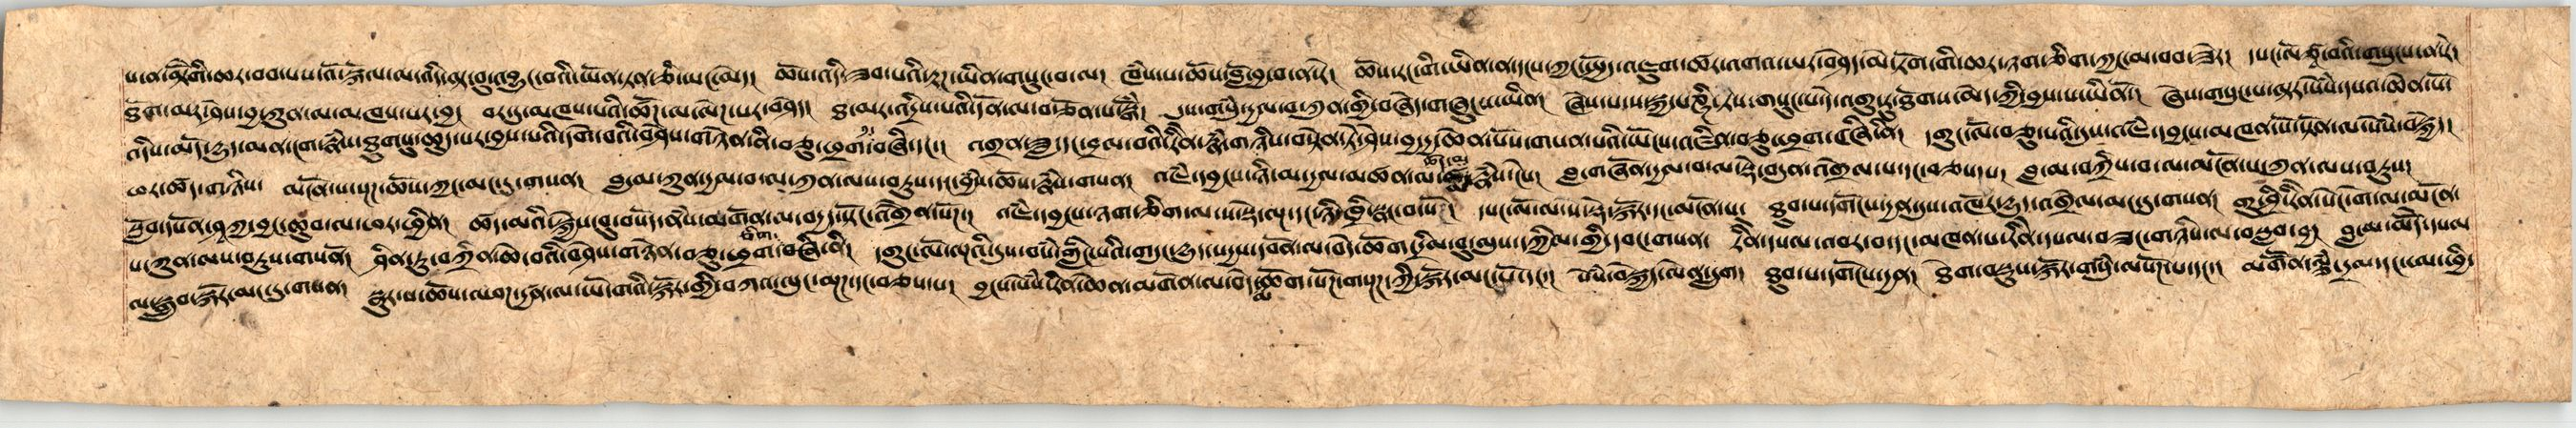པ་ན་མྟེོགི་ཆར་བབ་པས་འོ་སྐོལ་ལ་འདི་ལྟ་བུ་འབྱུང་བའི་ཡོན་ཏན་ཅི་ཡང་མེད། ཆོས་འདི་ཟབ་པའི་རྟཌ་ཡིན་གསུང་བ་ལ། ཁཾས་པ་ཆོས་བློ་བྱ་བ་ན་རེ། ཆོས་རང་གི་ཡིན་ན་དངས་ཀྱང་སྤྱོད་འཇུག་ཚར་འགའ་ཡར་བཤེད་མེ་ཏོག་གི་ཆར་ཉག་ཅིག་ཀྱང་མ་བབ་ཟེར། དཔང་ལོ་ཙཱ་བའི་གསུངས་ན་རེ།
ཐོག་མར་ཤེས་བྱ་ཀུན་ལ་མཁས་པར་བྱ། བར་དུ་མཁས་པའི་ཚོཌ་ལ་ལེཌ་པར་བཤེད། ཐ་མར་འདྲིས་པའི་དོན་ལ་བརྩོན་པ་སྒོཾ། དུས་གསུཾ་དྱལ་བ་ཀུན་གྱི་བཞེད་གཞུངས་ཡིན། ཞེས་པ་ས་སྐྱ་པཎྚི་ཏས་གསུང་པ་དེ་འགུ་རུ་ཐོགས་མེད་ཀྱི་བྱས་པ་ཡིནོ་། ཞེས་གསུང་པ་ལྟར་སེཾས་དཔའ་ཆེན་པོ་
འདིས་མདོ་དྱུད་མན་ངག་རྣཾས་ཐུགསུ་ཆུད་པར་བྱས་པའི་དགེ་བའི་བཤེས་གཉེན་ནི་བཅུ་ཕྲག་བཞི་དང་། འགྲན་ཟླ་དང་བྲལ་བའི་རིེན་རྣཾ་གཉིས་བསྟེན་ཏེ་ཤེས་བྱ་དྱ་ཆེན་པོས་གསན་པའི་ཡོངས་འཛིན་བཅུ་ཕྲག་བཞི་ནི། དགུང་ལོ་བཅུ་པའི་དུས་འཇཾ་དབྱངས་མཁན་པོ་སྟོན་ལ་སེཾས་བསྐྱེད།
ཕར་ཚད་གཉིས་ མངོན་པ་སྔཌ་ཆོས་ཀྱང་མང་དུ་གསན། བླ་མ་ཀུན་དྱལ་བ་ལ་ཀུན་ལས་བཏུས་དང་བྱཾས་ཆོས་རྣཾས་གསན། འཇཾ་དབྱངས་ཉི་མ་དྱལ་མཚན་མ་ཚད་མ་རྣཾ་ངེས། བླ་གཞོན་དྱལ་བ་ལ་སྡེ་བདུན་འགྲེལ་པ་དང་བཅས་པ། བླ་མ་བཀྲིས་བ་ལ་མངོན་པ་ཀུན་ལས་བཏུས།
སློབ་དཔོན་ཤཱཀྱ་བྱང་ཆུབ་ལ་ཕར་ཕྱིན། ཚད་མའི་སྐྱེས་བུ་བསོད་ནཾས་མགོན་ལ་བདྱད་སྟོང་འགྲཻན་སོཌ། འཇཾ་དབྱངས་ཉག་ཅིག་ལ་ས་སྡེ་ལྔ་དང་ཉི་ཁྲི་སྣང་བ་སོཌ། དཔང་ལོ་མ་སེ་སྡེ་སྐོར་དང་མངོན་པ། ཐུབ་པ་དགོངས་དྱན་དུས་འཁོར་དྱུད་འགྲེལ་མང་དུ་གསན། གུ་ཤྲཱི་རིནེ་སེང་གེ་ལ་མངོན་
པ་ཀུན་ལས་བཏུས་གསནོ། ཤིན་ཏུ་བཀྲིན་ཆེ་བའི་བཤེས་གཉེན་བཅུ་ཕྲག་བཞི་ནི། དགུང་ལོ་ལྔའི་དུས་བསཾ་གླིང་པའི་གདུང་དྱུད་སདྱས་དབོན་ལ་བདེ་མཆོག་དྲིལ་བུ་ལུས་དཀྱིལ་གྱི་དབང་གསན། རིོནེ་དཔལ་འབར་བ་དང་མཁན་པ་རིེན་དཔལ་བཟང་གཉིས་ལ་བསླབ་བྱ། བླ་མ་མདོེ་དཔལ་
ལ་སྒྲུབ་སྐོར་མང་དུ་གསན། སྣུར་པ་ཆོས་འཕཌ་དྱཚན་ལ་ཡོ་གའི་སྐོར་གྱི་བཀའ་ལུང་མྔཌ་དང་བཅས་པ། བྱང་སེཾས་རིན་ཆེན་མགོན་ལ་བདེ་མཆོག་སོཌ་གསྔཌ་ཀྱི་སྐོར་མང་པོ་དང་། སེཾས་སྐྱེད་ལེན་དྲུག། ཐུབ་པ་དགོངས་དྱན། ཐེག་བསྡུས་སྐོར་གསུཾ་ལསོཌ་པ་དང་། མགཽན་ལྕཾ་དྲལ་དང་ཨ་ཕྱི་